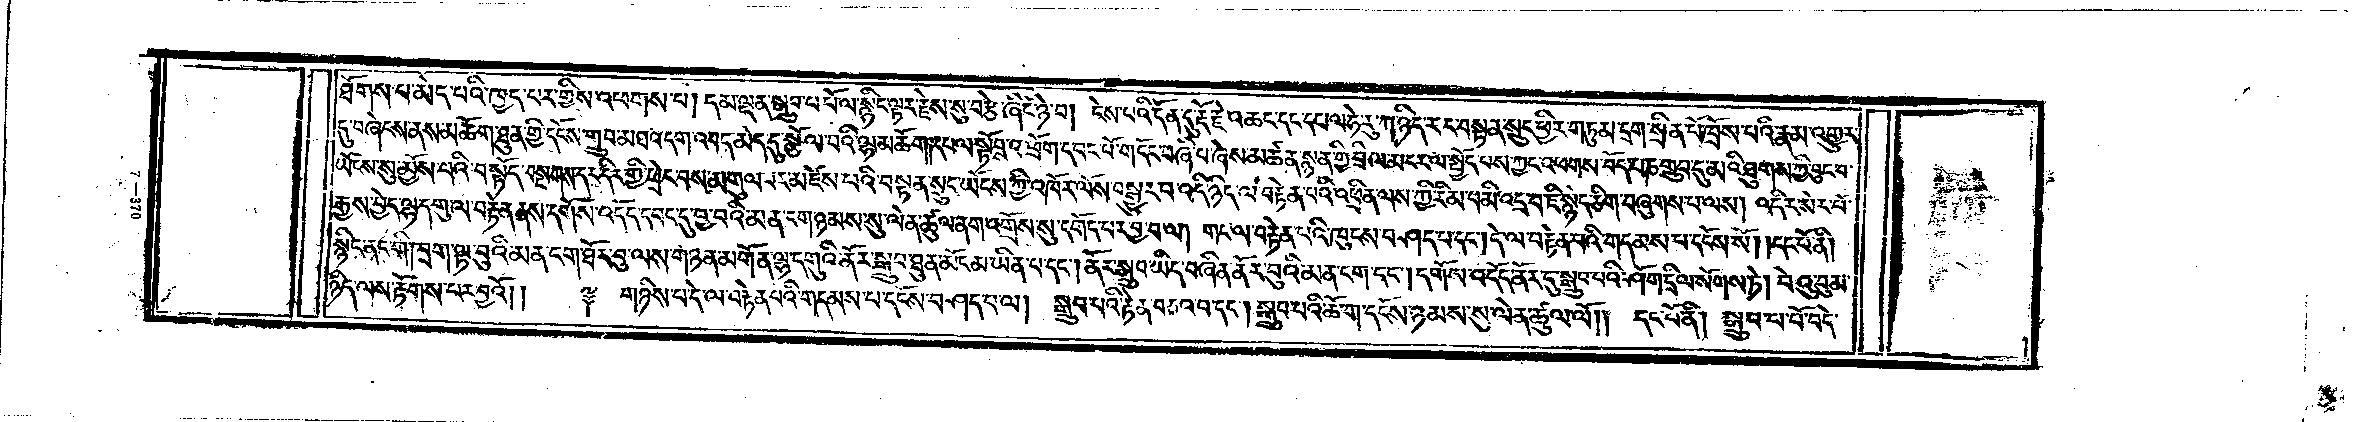ཐོགས་པ་མེད་པའི་ཁྱད་པར་གྱིས་འཕགས་པ། དམ་ལྡན་སྒྲུབ་པ་པོ་ལ་སྙིང་ལྟར་རྗེས་སུ་བརྩེ་ཞིང་ཉེ་བ། ངེས་པའི་དོན་དུ་རྡོ་རྗེ་འཆང་དང་དཔལ་ཧེ་རུ་ཀ་ཉིད་རང་བསྟན་སྲུང་ཕྱིར་གཏུམ་དྲག་སྲིན་པོ་ཁྲོས་པའི་རྣམ་འགྱུར་
དུ་བཞེངས་ནས་མཆོག་ཐུན་གྱི་དངོས་གྲུབ་མཐའ་དག་འབད་མེད་དུ་སྩོལ་བའི་ལྷ་མཆོག །དཔལ་སྟོབས་འབྲོག་དབང་པོ་གདོང་བཞི་པ་ཞེས་མཚན་སྙན་གྱི་བྲིལ་མངར་ལ་སྤྱོད་པས་ཀྱང་འཕགས་བོད་པཎ་གྲུབ་དུ་མའི་ཐུགས་ཀྱི་ཞུང་བ་
ཡོངས་སུ་མྱོས་པའི་བསྟོད་བསྔགས་དར་དིར་གྱི་ཕྲེང་བས་མགུལ་པར་མཛེས་པའི་བསྟན་སྲུང་ཡོངས་ཀྱི་འཁོར་ལོས་བསྒྱུར་བ་འདི་ཉིད་ལ་བརྟེན་པའི་འཕྲིན་ལས་ཀྱི་རིམ་པ་མི་འདྲ་བ་ཇི་སྙེད་ཅིག་བཞུགས་པ་ལས། འདིར་སེར་པོ་
རྒྱས་བྱེད་ལྷ་དགུ་ལ་བརྟེན་ནས་དགོས་འདོད་དབང་དུ་བྱ་བའི་མན་ངག་ཉམས་སུ་ལེན་ཚུལ་ནག་འགྲོས་སུ་དགོད་པར་བྱ་བ་ལ། གང་ལ་བརྟེན་པའི་ཁུངས་བཤད་པ་དང་། དེ་ལ་བརྟེན་པའི་གདམས་པ་དངོས་སོ། །དང་པོ་ནི།
སྙིང་ནང་གི་ཁྲག་ལྟ་བུའི་མན་ངག་ཐོར་བུ་ལས་གཉན་མགོན་ལྷ་དགུའི་ནོར་སྒྲུབ་ཐུན་མོང་མ་ཡིན་པ་དང་། ནོར་སྒྲུབ་ཡིད་བཞིན་ནོར་བུའི་མན་ངག་དང་། དགོས་འདོད་ནོར་དུ་སྒྲུབ་པའི་ཤོག་དྲིལ་སོགས་ཏེ། བེའུ་བུམ་
ཉིད་ལས་རྟོགས་པར་བྱའོ།། ༈ གཉིས་པ་དེ་ལ་བརྟེན་པའི་གདམས་པ་དངོས་བཤད་པ་ལ། སྒྲུབ་པའི་རྟེན་བཅའ་བ་དང་། སྒྲུབ་པའི་ཆོ་ག་དངོས་ཉམས་སུ་ལེན་ཚུལ་ལོ།། དང་པོ་ནི། སྒྲུབ་པ་པོ་བདེ་